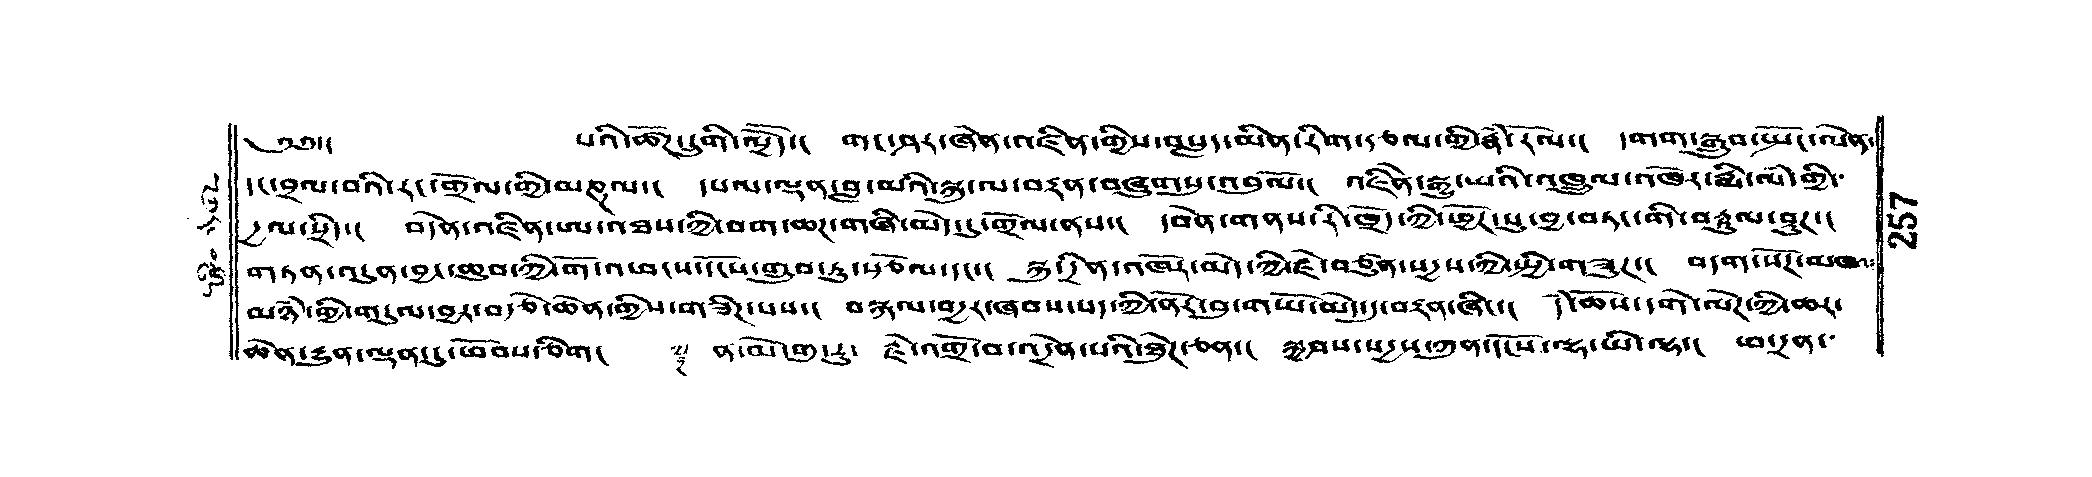པའི་ཚོགས་དྲུག་གི་ལོངས་སྤྱོད། །གང་ཤར་ཞེན་འཛིན་གྱིས་བསླད་མིན་རིག་རྩལ་གྱི་རྣམ་རོལ། །དགག་སྒྲུབ་སྤོང་ལེན་
དང་བྲལ་བའི་རང་གྲོལ་གྱི་མཎྜལ། །དཔལ་ལྡན་བླ་མའི་སྐུ་ལ་བརྟན་བཞུགས་སུ་འབུལ་ལོ། །འཇིག་རྟེན་སྒྱུ་མའི་འཁྲུལ་འཁོར་རྨི་ལམ་གྱི་
རྒྱལ་སྲིད། །བདེན་འཛིན་ཨ་འཐས་ཀྱི་བག་ཆགས་གཞི་མེད་དུ་གྲོལ་ནས། །དབེན་གནས་རི་ཁྲོད་ཀྱི་ཕྱོགས་སུ་བྱ་བཏང་གི་བརྟུལ་ཞུགས། །
གཏན་འདུན་བྱང་ཆུབ་ཀྱི་གོ་འཕང་དངོས་གྲུབ་ཏུ་སྩོལ་དང་། །སྐུ་དྲིན་འཁོར་མེད་ཀྱི་རྗེ་བཙུན་སངས་རྒྱས་ཀྱི་སྤྱི་གཟུགས། །བདག་སོགས་མཁའ་
མཉམ་གྱི་གདུལ་བྱར་བརྩེ་ཆེན་གྱིས་གཟིགས་པས། །བསྐལ་བརྒྱར་ཞབས་པད་ཀྱི་ནོར་བུ་གཡོ་མེད་དུ་བརྟན་ཞིང་། །དམ་ཆོས་དགེ་ལེགས་ཀྱི་ཆར་
ཆེན་རྒྱུན་ལྡན་དུ་ཕོབས་ཤིག ༈ ན་མོ་གུ་རུ། རྗེ་འགྲོ་བ་འདྲེན་པའི་ཐུགས་རྗེ་ཅན། །སྐྱབས་སངས་རྒྱས་ཀུན་དངོས་ལྷ་ཡི་ལྷ། །ཕ་དྲན་